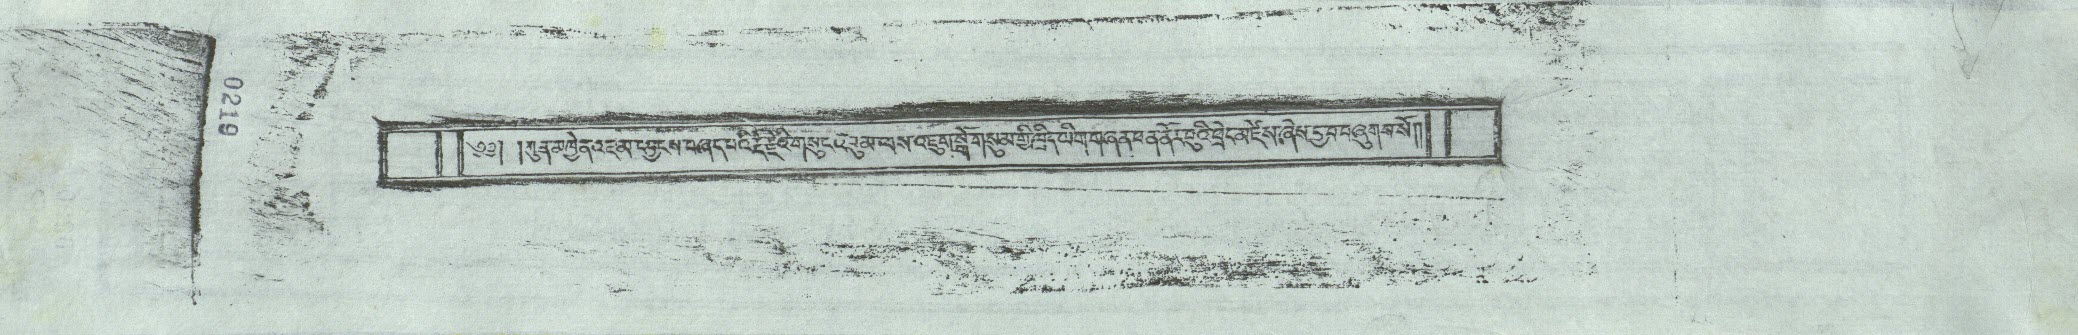༄༅། །ཀུན་མཁྱེན་འཇམ་དབྱངས་བཞད་པའི་རྡོ་རྗེའི་གསུང་འབུམ་ལས་འཇུག་སྒོ་གསུམ་གྱི་ཁྲིད་ཡིག་གཞན་ཕན་ནོར་བུའི་ཕྲེང་མཛེས་ཞེས་བྱ་བ་བཞུགས་སོ།།